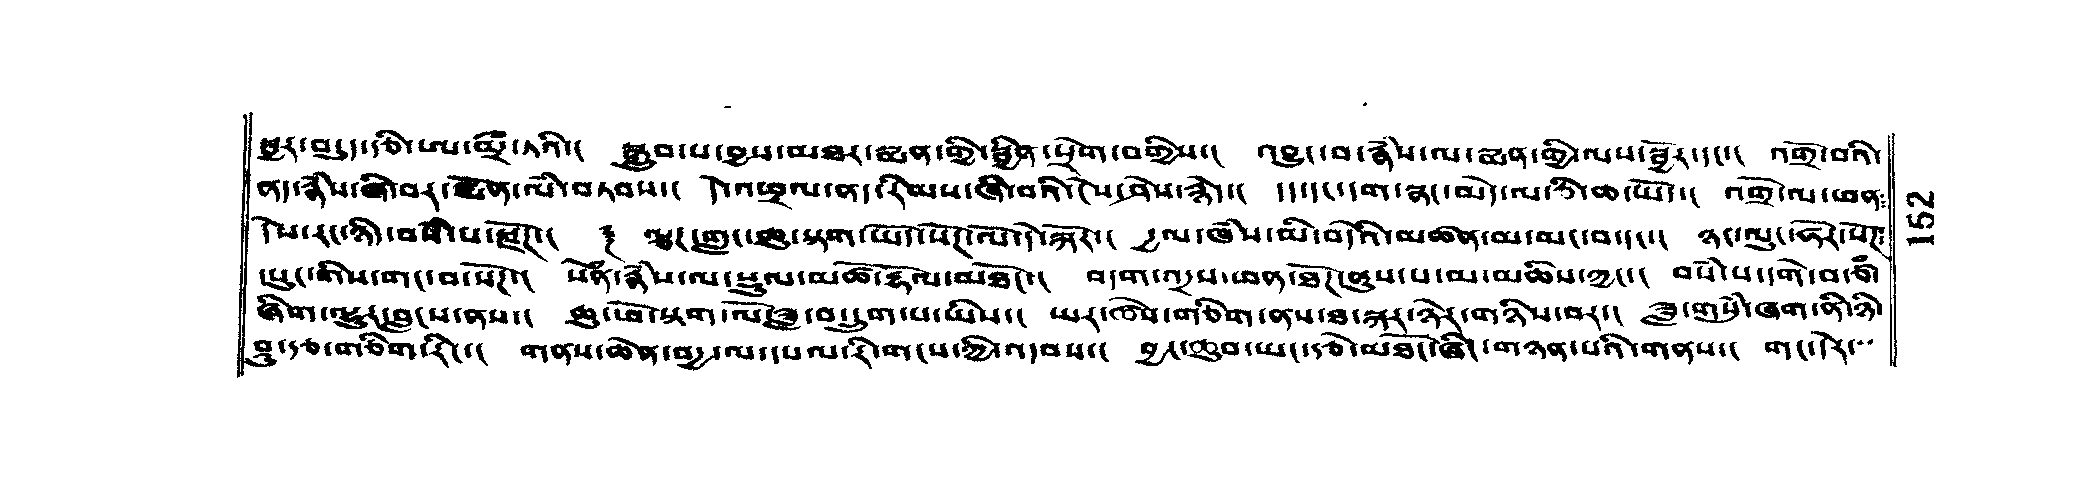སྦྱར་བདུད་རྩི་ཨ་མྲྀ་ཏའི། །སྒྲུབ་པ་བྱས་མཐར་སྨན་གྱི་སྦྱིན་སྲེག་བགྱིས། །འབྱུང་བ་རྣམས་ལ་སྨན་གྱི་ལས་སྦྱོར་དང་། །འགྲོ་བའི་
ནད་རྣམས་ཞི་བར་སྨོན་ལམ་བཏབས། །དེ་འཕྲལ་ནད་རིམས་ཞི་བའི་ངེས་ཤེས་རྙེད། །དད་དང་དག་སྣང་མེད་ལ་ཅི་ཆ་ཡོད། །འགྲོ་ལ་ཕན་
དེས་རང་ཉིད་བསམ་པ་རྫོགས། །ལྕགས་གླང་ཆུ་སྟག་ཡོས་སོགས་ལོ་དེ་སྐོར། །རྒྱལ་ཁམས་མི་བདེའི་མཚན་མ་མང་བ་དང་། །ཉང་ལུང་ཧོར་སོགས་
དཔུང་གིས་གང་བ་སོགས། །སེམས་ཅན་རྣམས་ལ་སྡུག་བསྔལ་མཚོ་རྡོལ་མཐོང་། །བདག་འདྲས་ཕན་ཐོགས་ནུས་པ་མ་མཆིས་ཀྱང་། །བསམ་པ་དགེ་བ་ཙམ་
ཞིག་ལྷུར་བླངས་ནས། །ཆུ་ཕོ་སྟག་ལོ་ཟླ་བ་དྲུག་པ་ཡིས། །ཡར་ཚེས་གཅིག་ནས་ཐ་སྐར་ཉེར་གཉིས་བར། །ཟླ་གསུམ་ཞག་ནི་ཉི་
ཤུ་རྩ་གཅིག་རིང་། །གནས་ཆེན་བརྒྱ་ལ་དཔལ་རི་གངས་ཀྱི་འདབས། །བྱང་ཆུབ་ཡང་རྩེ་མཐོང་ཞིང་གཉན་པའི་གནས། །གང་དེར་